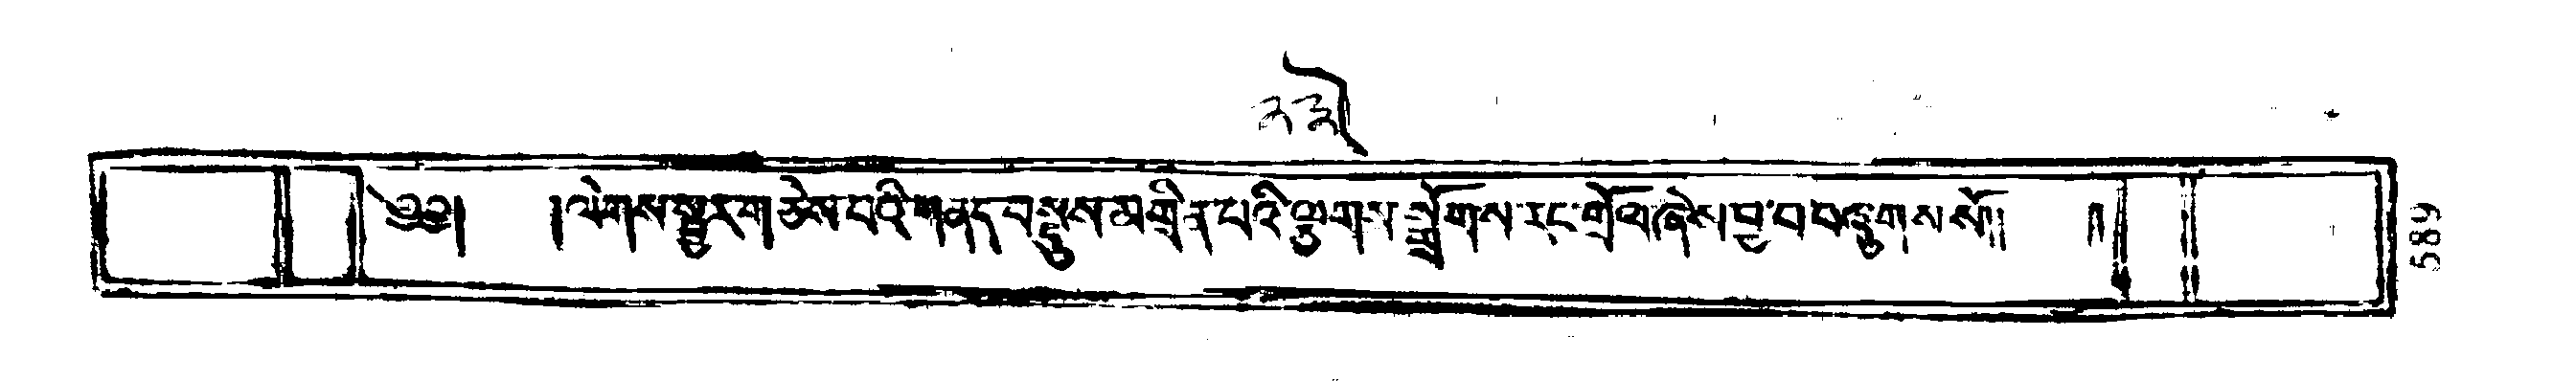༄༅། །ལེགས་སྦྱར་གཅེས་པའི་གནད་བསྡུས་མགྲིན་པའི་ལྕགས་སྒྲོགས་རང་གྲོལ་ཞེས་བྱ་བ་བཞུགས་སོ།། །།